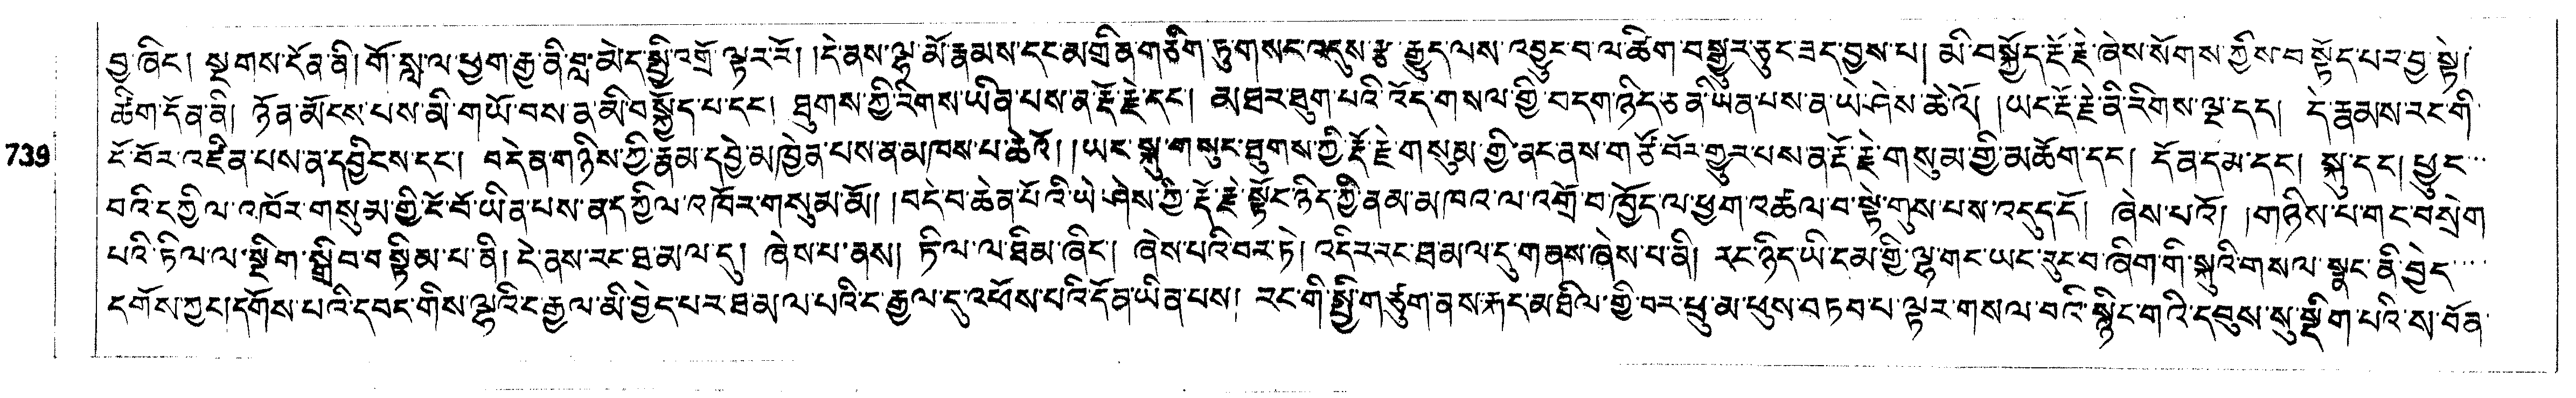བྱ་ཞིང་། སྔགས་དོན་ནི། གོ་སླ་ལ་ཕྱག་རྒྱ་ནི་བླ་མེད་སྤྱི་འགྲོ་ལྟར་རོ། །དེ་ནས་ལྷ་མོ་རྣམས་དང་མགྲིན་གཅིག་ཏུ་གསང་འདུས་རྩ་རྒྱུད་ལས་འབྱུང་བ་ལ་ཚིག་བསྒྱུར་ཅུང་ཟད་བྱས་པ། མི་བསྐྱོད་རྡོ་རྗེ་ཞེས་སོགས་ཀྱིས་བསྟོད་པར་བྱ་སྟེ།
ཚིག་དོན་ནི། ཉོན་མོངས་པས་མི་གཡོ་བས་ན་མི་བསྐྱོད་པ་དང་། ཐུགས་ཀྱི་རིགས་ཡིན་པས་ན་རྡོ་རྗེ་དང་། མཐར་ཐུག་པའི་འོད་གསལ་གྱི་བདག་ཉིད་ཅན་ཡིན་པས་ན་ཡེ་ཤེས་ཆེའོ། །ཡང་རྡོ་རྗེ་ནི་རིགས་ལྔ་དང་། དེ་རྣམས་རང་གི་
ངོ་བོར་འཛིན་པས་ན་དབྱིངས་དང་། བདེན་གཉིས་ཀྱི་རྣམ་དབྱེ་མཁྱེན་པས་ན་མཁས་པ་ཆེའོ། །ཡང་སྐུ་གསུང་ཐུགས་ཀྱི་རྡོ་རྗེ་གསུམ་གྱི་ནང་ནས་གཙོ་བོར་གྱུར་པས་ན་རྡོ་རྗེ་གསུམ་གྱི་མཆོག་དང་། དོན་དམ་དང་། སྐུ་དང་། ཕྱུང་
བའི་དཀྱིལ་འཁོར་གསུམ་གྱི་ངོ་བོ་ཡིན་པས་ན་དཀྱིལ་འཁོར་གསུམ་མོ། །བདེ་བ་ཆེན་པོའི་ཡེ་ཤེས་ཀྱི་རྡོ་རྗེ་སྟོང་ཉིད་ཀྱི་ནམ་མཁའ་ལ་འགྲོ་བ་ཁྱོད་ལ་ཕྱག་འཚལ་བ་སྟེ་གུས་པས་འདུད་དོ། ཞེས་པའོ། །གཉིས་པ་གང་བསྲེག་
པའི་ཏིལ་ལ་སྡིག་སྒྲིབ་བསྟིམ་པ་ནི། དེ་ནས་རང་ཐ་མལ་དུ། ཞེས་པ་ནས། ཏིལ་ལ་ཐིམ་ཞིང་། ཞེས་པའི་བར་ཏེ། འདིར་རང་ཐ་མལ་དུ་གནས་ཞེས་པ་ནི། རང་ཉིད་ཡི་དམ་གྱི་ལྷ་གང་ཡང་རུང་བ་ཞིག་གི་སྐུའི་གསལ་སྣང་ནི་བྱེད་
དགོས་ཀྱང་། དགོས་པའི་དབང་གིས་ལྷའི་ང་རྒྱལ་མི་བྱེད་པར་ཐ་མལ་པའི་ང་རྒྱལ་དུ་འཕོས་པའི་དོན་ཡིན་པས། རང་གི་སྤྱི་གཙུག་ནས་རྐང་མཐིལ་གྱི་བར་ཕྲུ་མ་ཕུས་བཏབ་པ་ལྟར་གསལ་བའི་སྙིང་གའི་དབུས་སུ་སྡིག་པའི་ས་བོན་